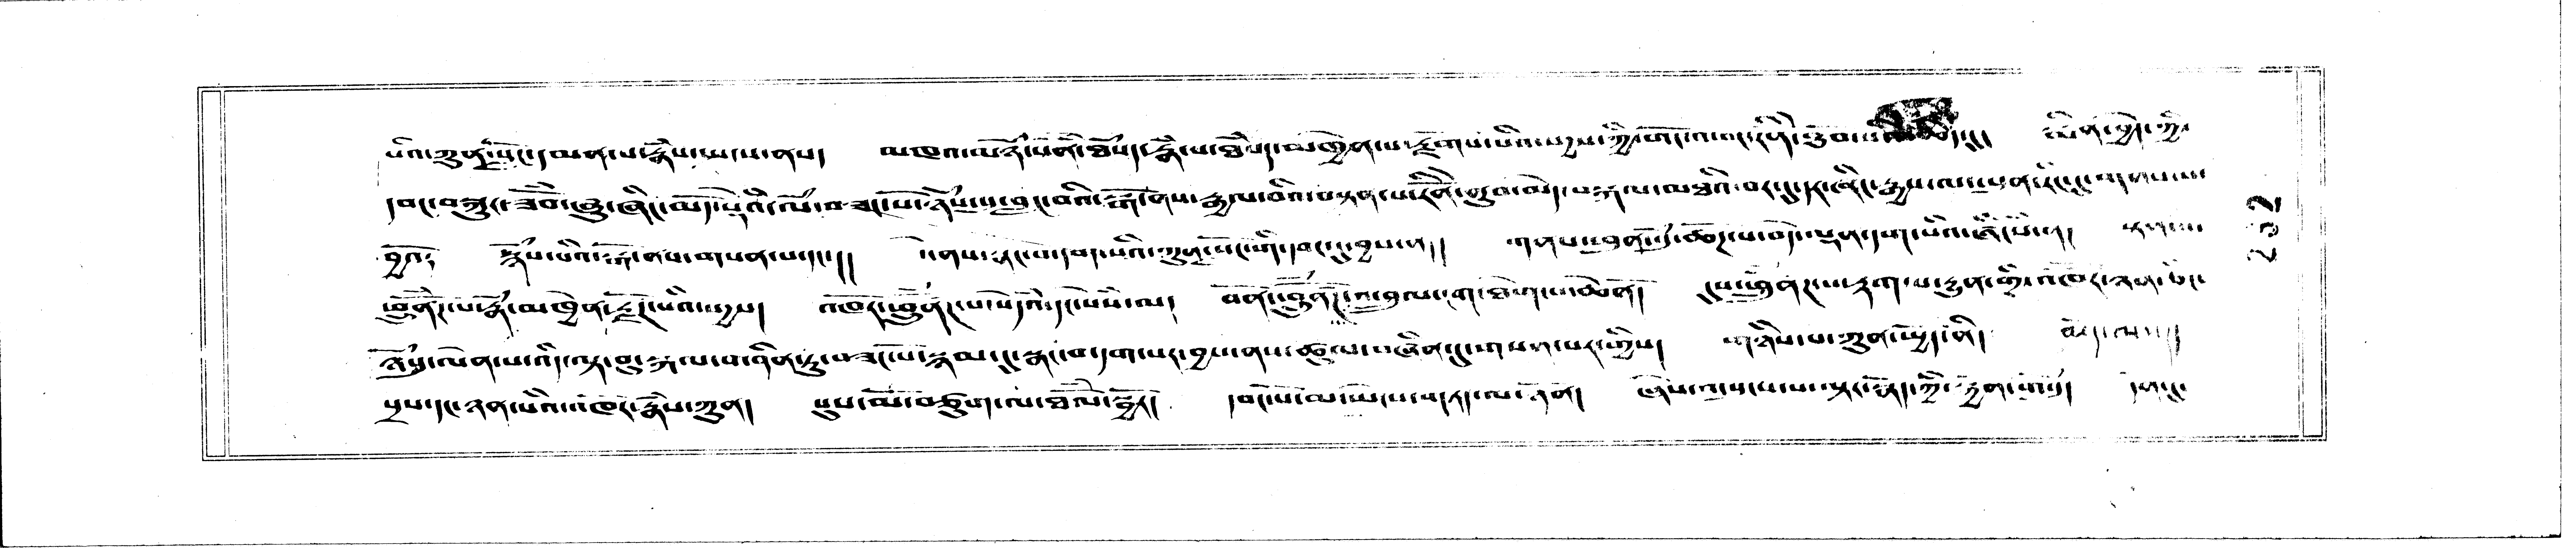པའི་ཀུན་སློང་དམན་པ་རྣམས་སྤངས་ནསཿ མཁའ་མཉམ་སེམས་ཅན་ཐམས་ཅད་རྣམ་པ་ཐམས་ཅད་མཁྱེན་པ་རྫོགས་པའི་སངས་རྒྱས་ཀྱི་གོ་འཕང་རིན་པོ་ཆེ་ཐོབ་པའི་ཆེད་དུ། སྨིན་བྱེད་ཀྱི་
དབང་བསྐུར་ཟབ་མོ་ཞུ་ཞིང་མདོ་སྡེའི་ལམ་བཟང་པོ་ཉམས་སུ་བླང་བའི་སྒོ་ནས་རྒྱལ་བའི་བསྟན་པ་རིན་པོ་ཆེ་ནུབ་མེད་བསྐལ་མཐའི་བར་དུ་དར་ཞིང་རྒྱས་ལ་ཡུན་རིང་དུ་གནས་པར་
བྱའོ། སྙམ་པའི་སྒོ་ནས་གསན་པ་དང་། དེ་ནས་སྣང་བ་དག་པའི་ཀུན་སློང་གི་དབང་དུ་བྱས་ན། གནས་ཕུན་སུམ་ཚོགས་པ་བདེ་ལྡན་དག་པའི་ཞིང་ཁམས་ན། སྟོན་པ་
ཕུན་སུམ་ཚོགས་པ་རྣམ་མཁྱེན་རྫོགས་པའི་སངས་རྒྱས། འཁོར་ཕུན་སུམ་ཚོགས་པ་སེམས་དཔའ་དང་སེམས་མ། བོན་ཕུན་སུམ་ཚོགས་པ་འཕྲུལ་ངག་ཐེག་པ་ཆེན་པོ། དུས་ཕུན་སུམ་ཚོགས་པ་རྟག་པ་རྒྱུན་གྱི་འཁོར་ལོ་ཉན་ཅིང་
ཉམས་སུ་ལེན་པ་འདི་ལྟ་བུ་སྐལ་པ་ཤིན་ཏུ་བཟང་པོ་སྙམ་དུ་སྣང་བ་དག་པར་བྱས་ནས་ཚུལ་བཞིན་དུ་གསན་པར་གྱིས། གཉིས་པ་ཀུན་སྤྱོད་ནི། མདོ་ལས།
 སྲས་དང་ཉན་པའི་འཁོར་རྣམས་ཀུན། པུས་མོ་བཙུགས་ལ་ཐལ་མོ་སྦྱོར། དབང་པོ་མ་ཡེངས་གཏད་ལ་ཉོན། ཞེས་གསུངས་པ་ལྟར་སྣོད་ཀྱི་སྐྱོན་གསུམ། དོན་དུ་